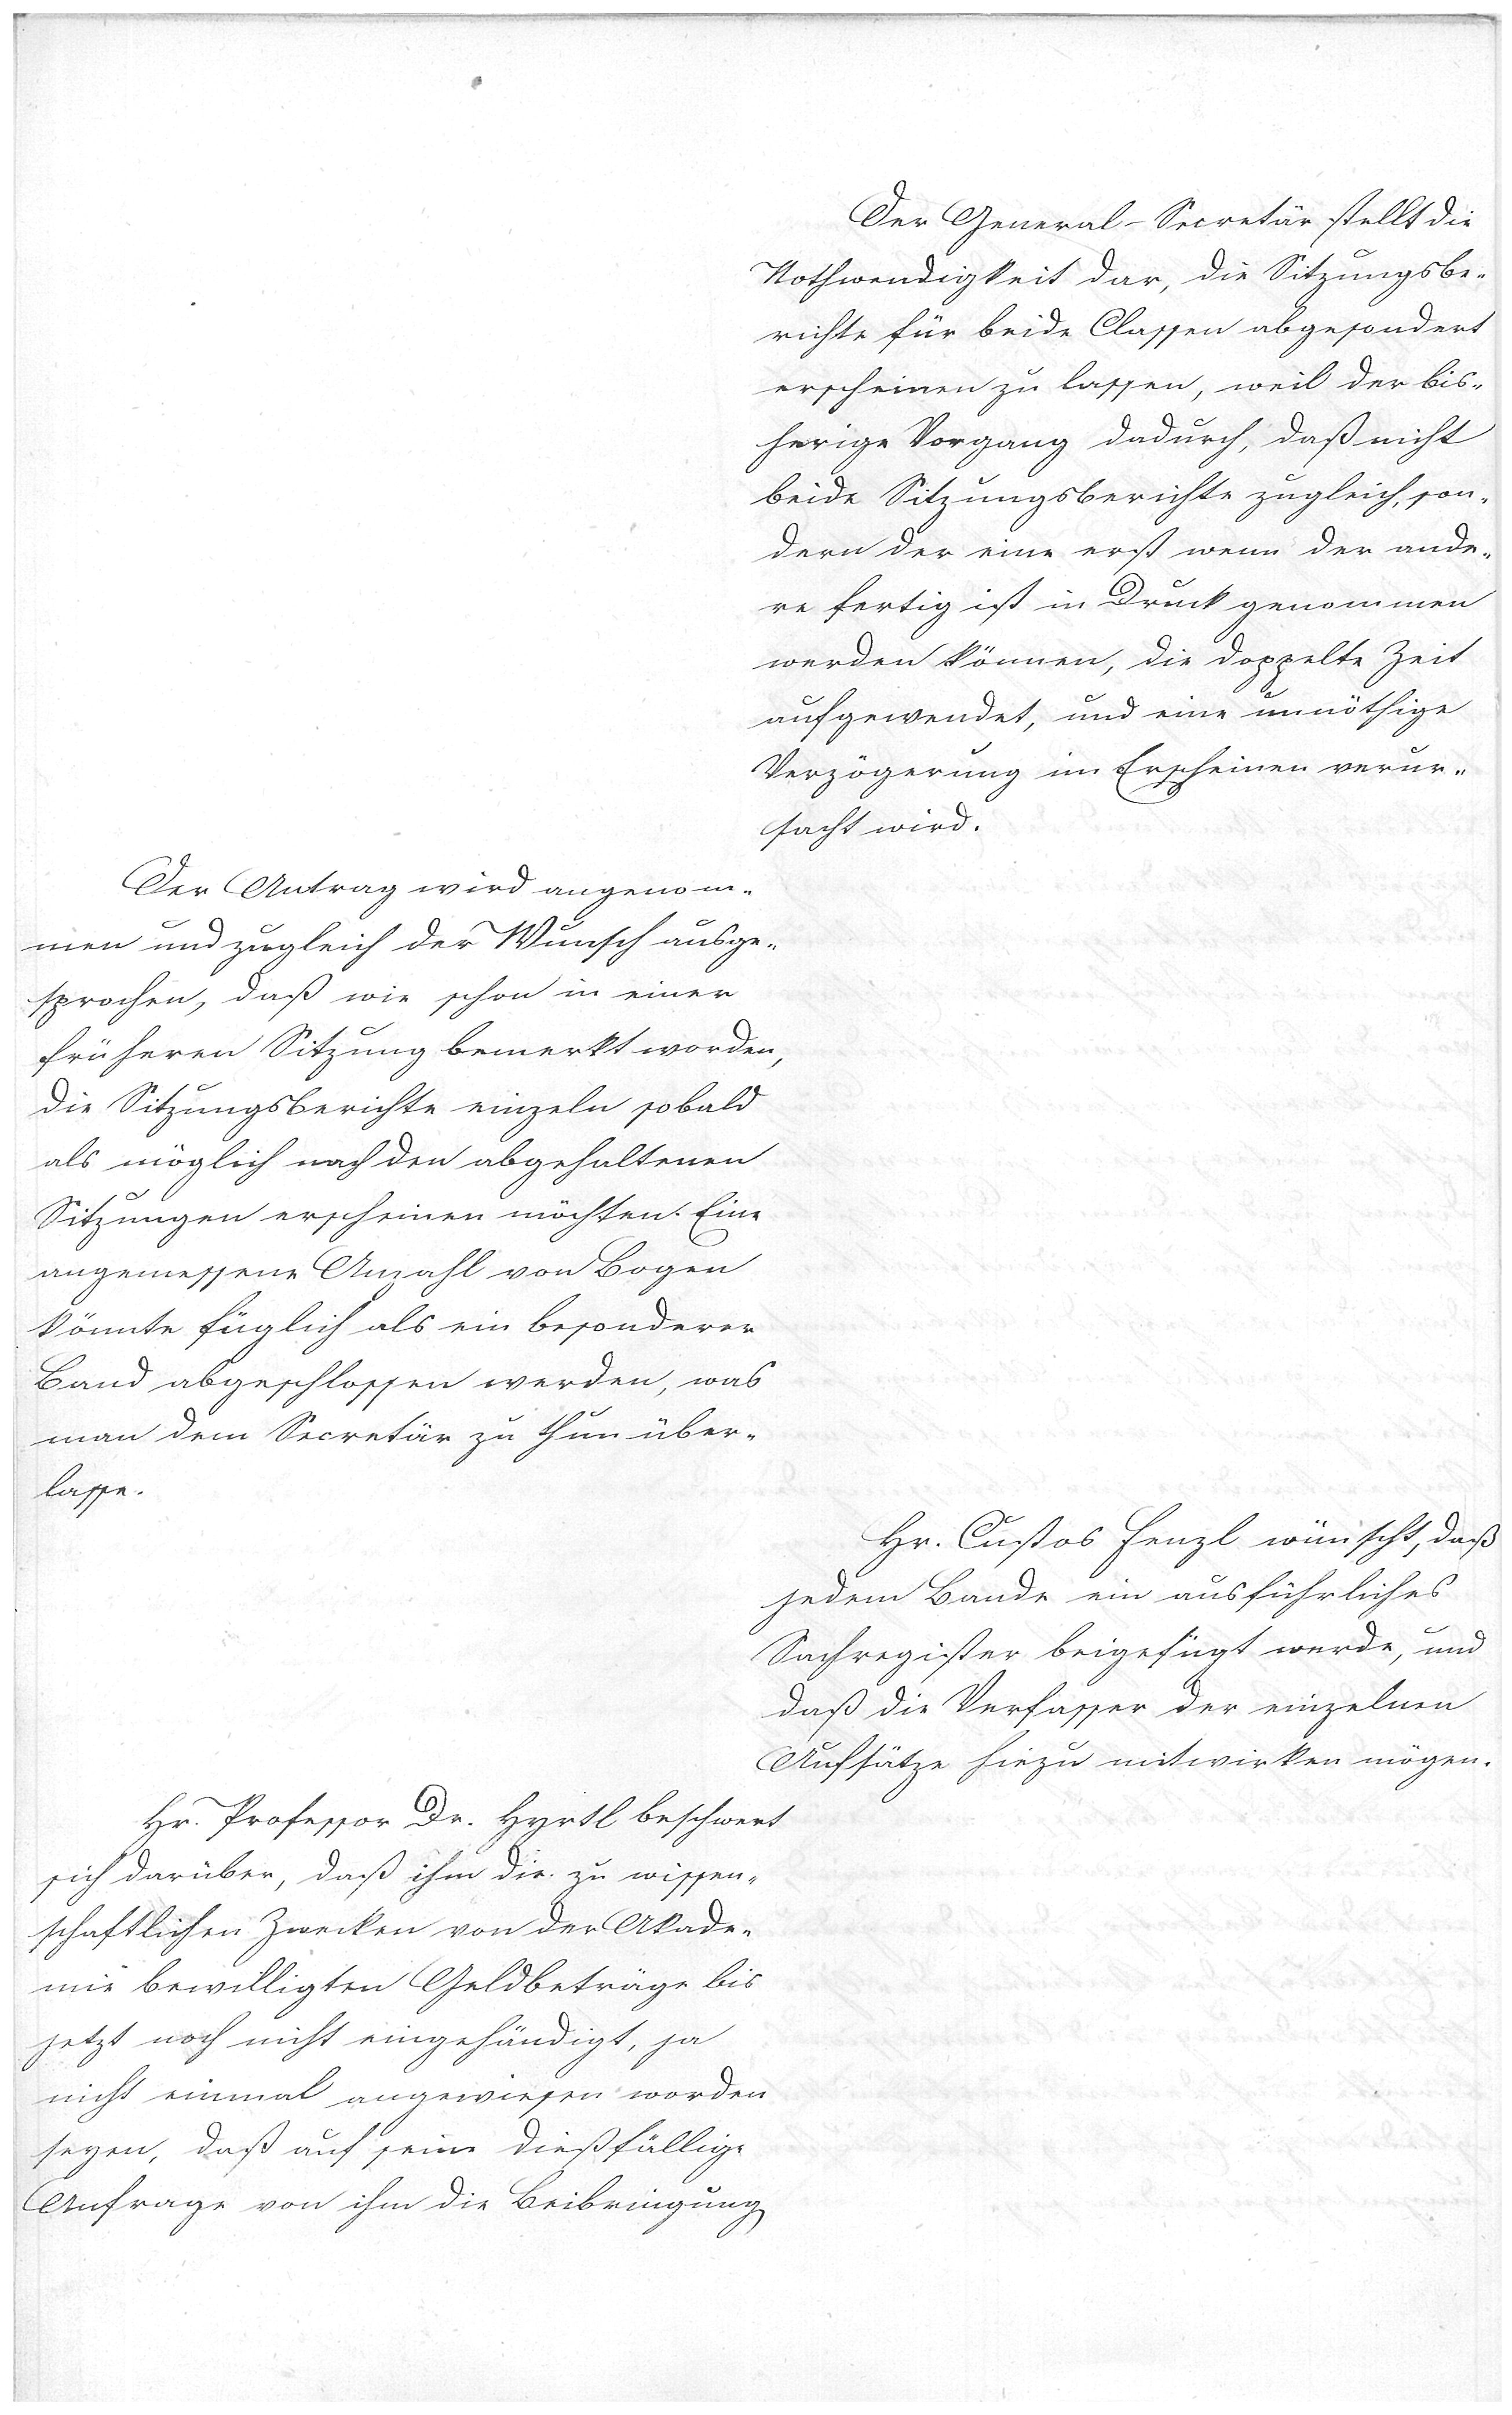Der General-Secretär stellt die
Nothwendigkeit dar, die Sitzungsbe-
richte für beide Classen abgesondert
erscheinen zu lassen, weil der bis-
herige Vorgang dadurch, daß nicht
beide Sitzungsberichte zugleich, son-
deren der eine erst wenn der ande-
re fertig ist in Druck genommen
werden können, die doppelte Zeit
aufgewendet, und eine unnöthige
Verzögerung im Erscheinen verur-
sacht wird.
Der Antrag wird angenom-
men und zugleich der Wunsch ausge-
sprochen, daß wie schon in einer
früheren Sitzung bemerkt worden,
die Sitzungsberichte einzeln sobald
als möglich nach den abgehaltenen
Sitzungen erscheinen möchten. Eine
angemessene Anzahl von Bogen
könnte füglich als ein besonderer
Band abgeschlossen werden, was
man dem Secretär zu thun über-
lasse.
Hr. Custos Fenzl wünscht, daß
jedem Bande ein ausführliches
Sachregister beigefügt werde, und
daß die Verfasser der einzelnen
Aufsätze hiezu mitwirken mögen.
Hr. Professor Dr. Hyrtl beschwert
sich darüber, daß ihm die zu wissen-
schaftlichen Zwecken von der Akade-
mie bewilligten Geldbeträge bis
setzt noch nicht eingehändigt, ja
nicht einmal angewiesen worden
seyen, daß auf seine dießfällige
Anfrage von ihm die Beibringung